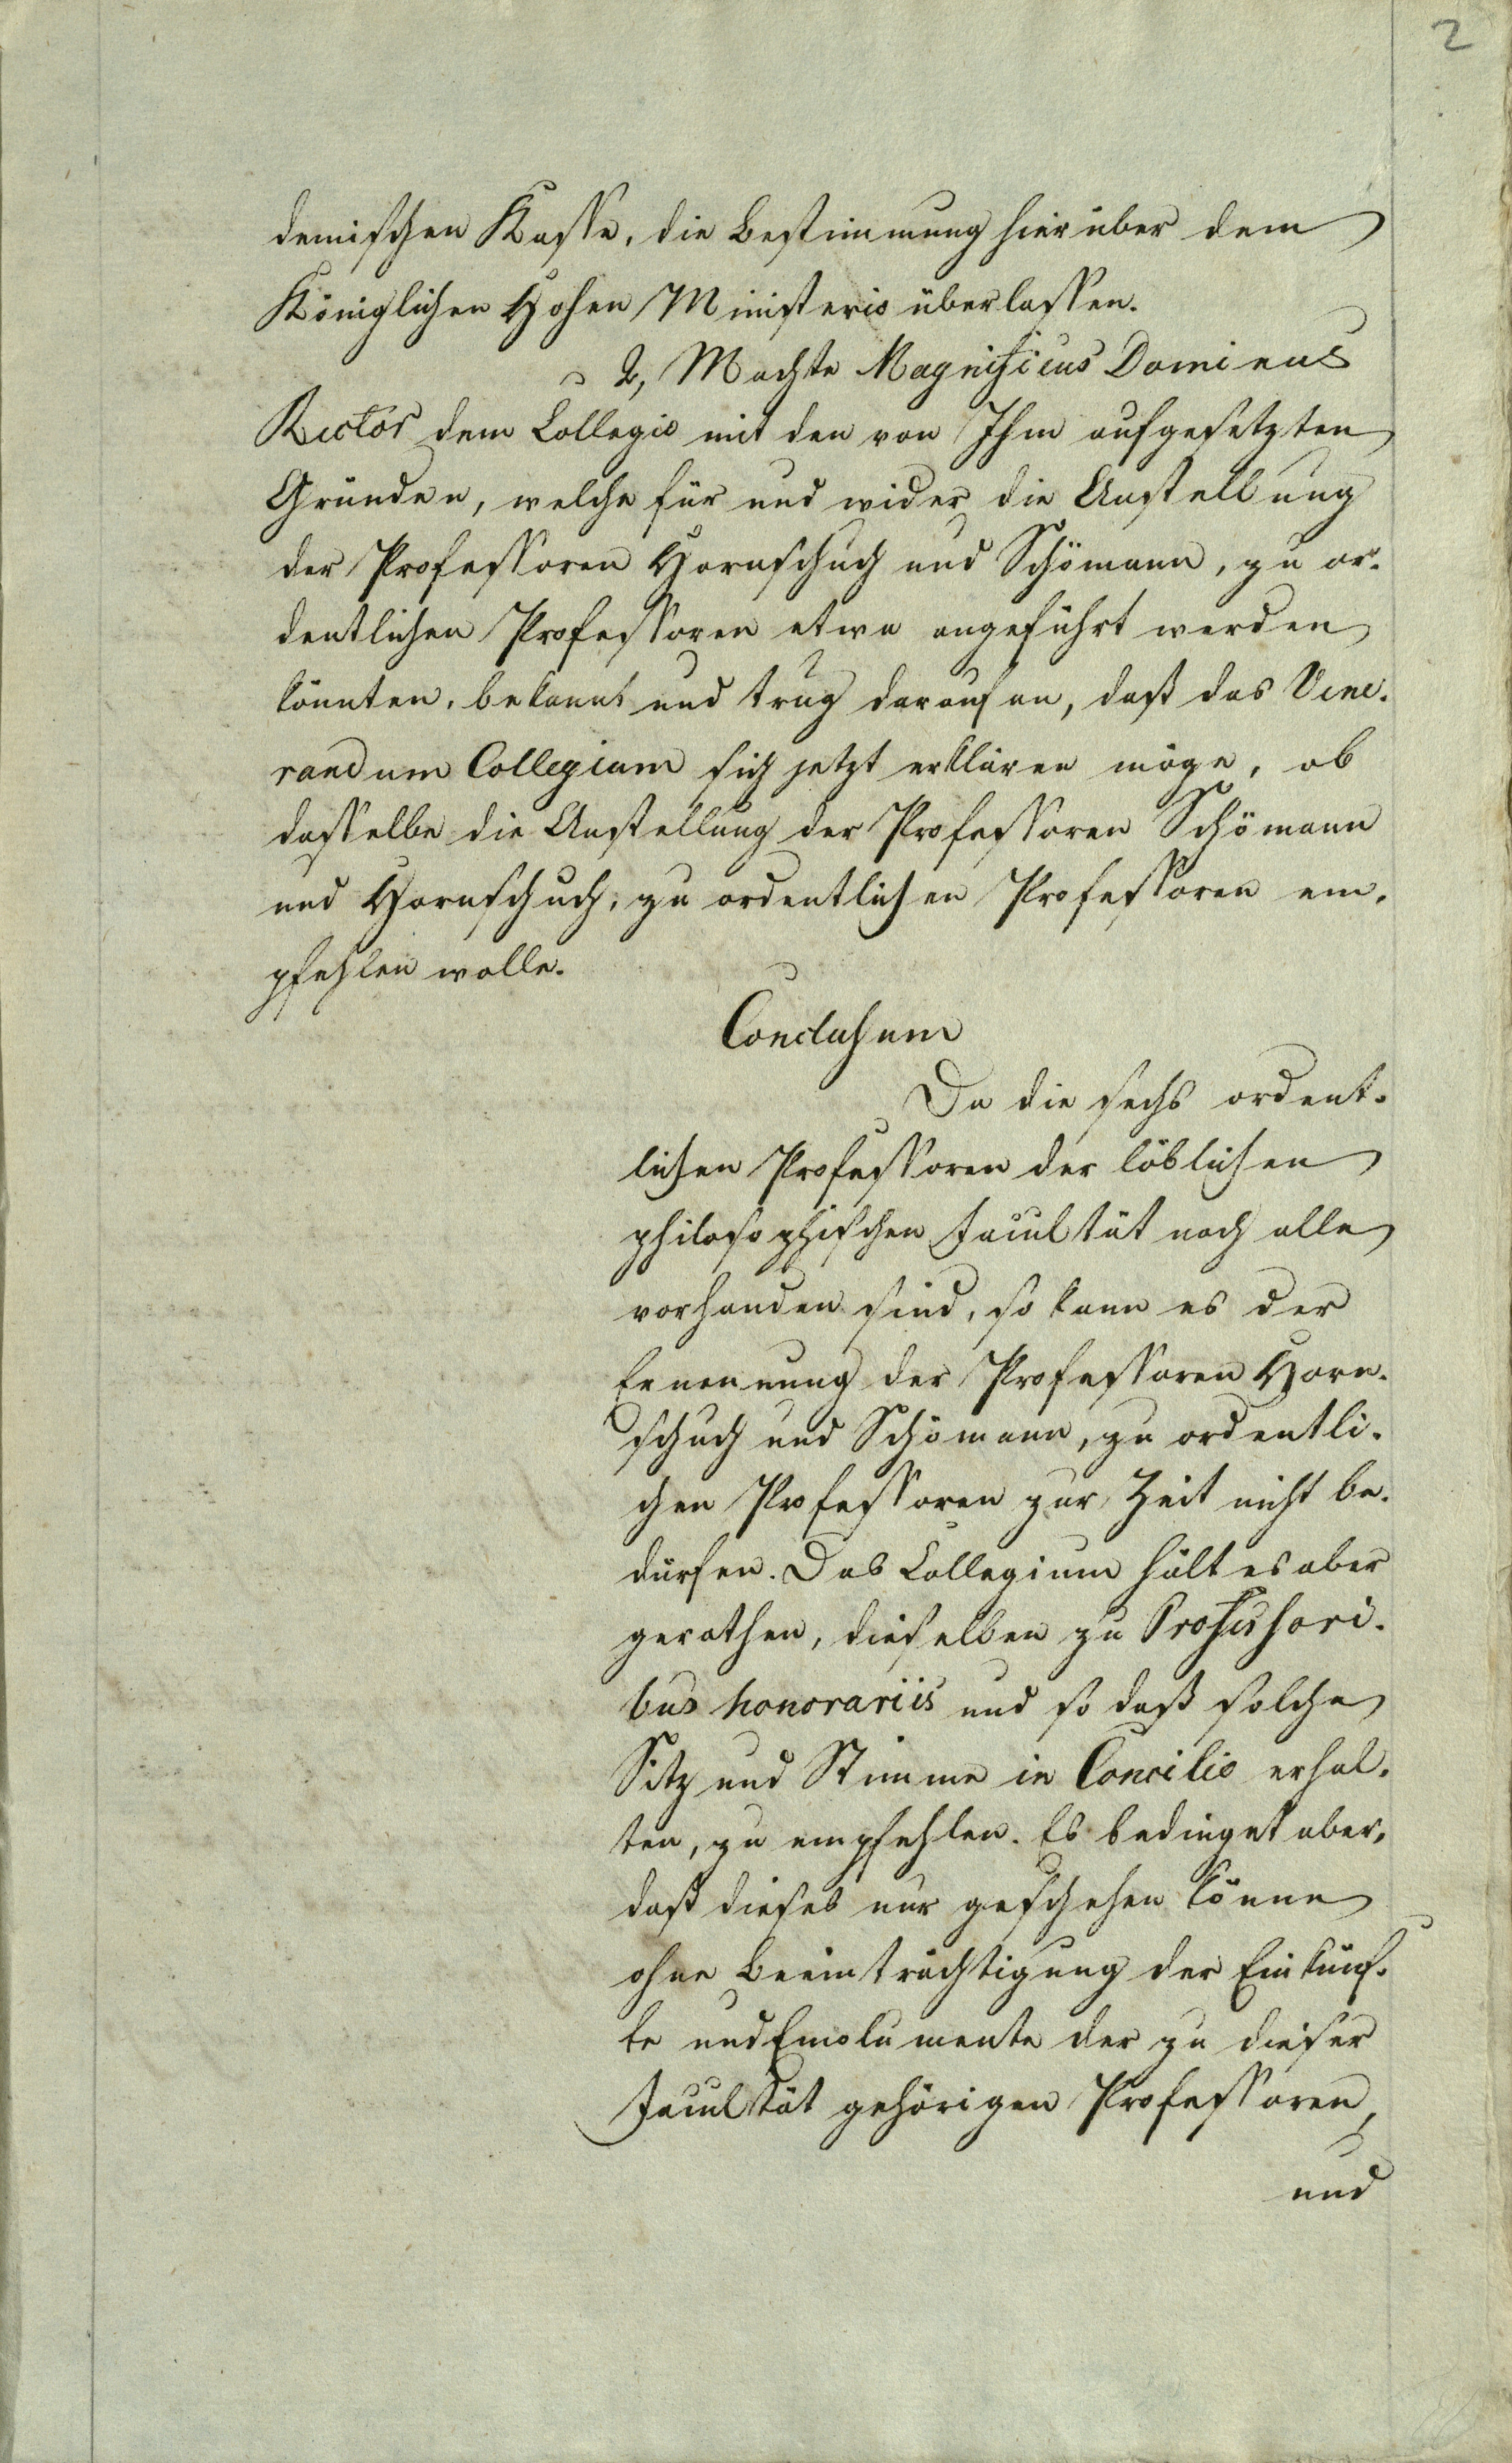demischen Kasse, die Bestimmungen hierüber dem
Königlichen Hohen Ministerio überlassen.
2. Machte Magnificus Dominus
Rector dem Collegio mit den von Ihm aufgesetzten
Gründen, welche für und wider die Anstellung
der Professoren Hornschuch und Schömann, zu or¬
dentlichen Professoren etwa angeführt werden
könnten, bekannt und trug darauf an, daß das Vene¬
randum Collegium sich jetzt erklären möge, ob
dasselbe die Anstellung der Professoren Schömann
und Hornschuch; zu ordentlichen Professoren em¬
pfehlen wolle.
Conclusum
Da die sechs ordent¬
lichen Professoren der löblichen
philosophischen Facultät noch alle
vorhanden sind, so kann es der
Ernennung der Professoren Horn¬
schuch und Schömann, zu ordentli¬
chen Professoren zur Zeit nicht be¬
dürfen. Das Collegium hält es aber
gerathen, dieselben zu Professori¬
bus honorariis und so daß solche
Sitz und Stimme in Concilio erhal¬
ten, zu empfehlen. Es bedinget aber,
daß dieses nur geschehen könne
ohne Beeinträchtigung der Einkünf¬
te und Emolumente der zu dieser
Facultät gehörigen Professoren,
und